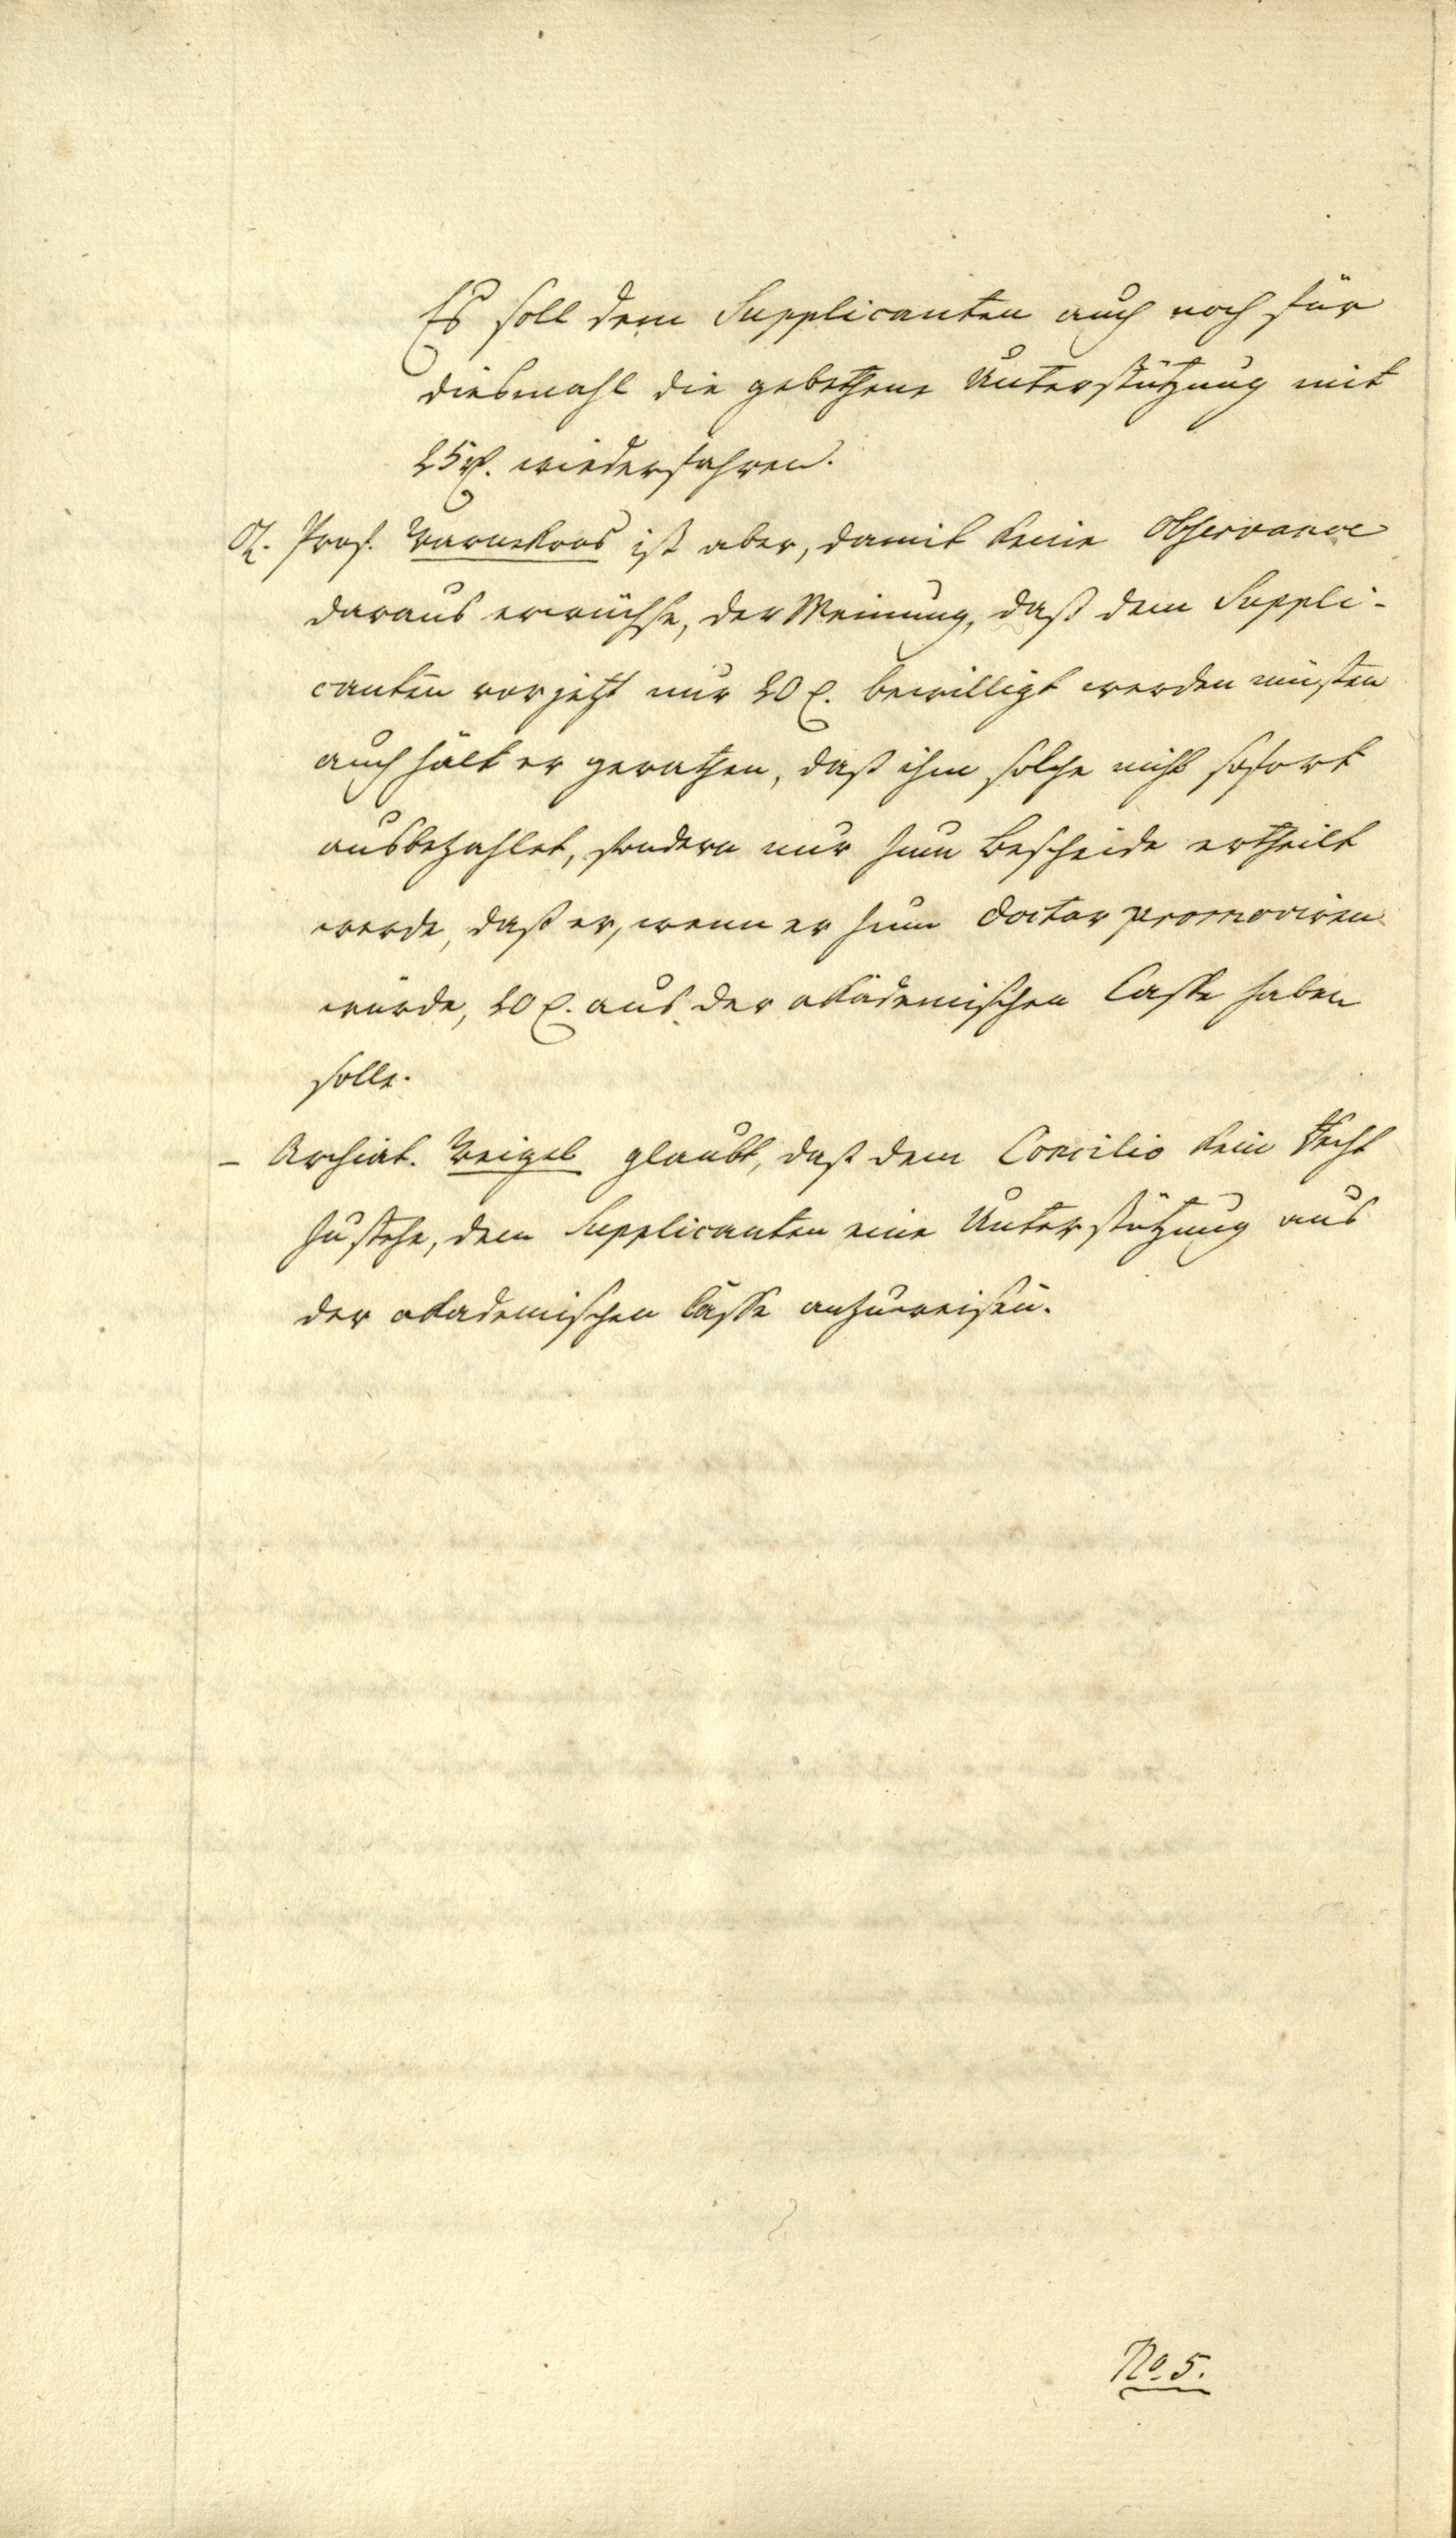Es soll dem Supplicanten auch noch für
diesmahl die gebethene Unterstützung mit
25 rl. wiederfahren.
dh. Prof. Warnekros ist aber, damit keine Observance
daraus erwüchse, der Meinung, daß dem Suppli¬
canten vor jetzt nur 20 l. bewilligt werden müsten
auch hält er gerathen, daß ihm solche nicht sofort
ausbezahlet, sondern nur zum Bescheide ertheilt
werde, daß er, wenn er zum Doctor promoviren
würde, 20 l. aus der akademischen Casse haben
solle.
Archiat. Weigel glaubt, daß dem Concilio kein Recht
zustehe, dem Supplicanten eine Unterstützung aus
der akademischen Casse anzuweisen.